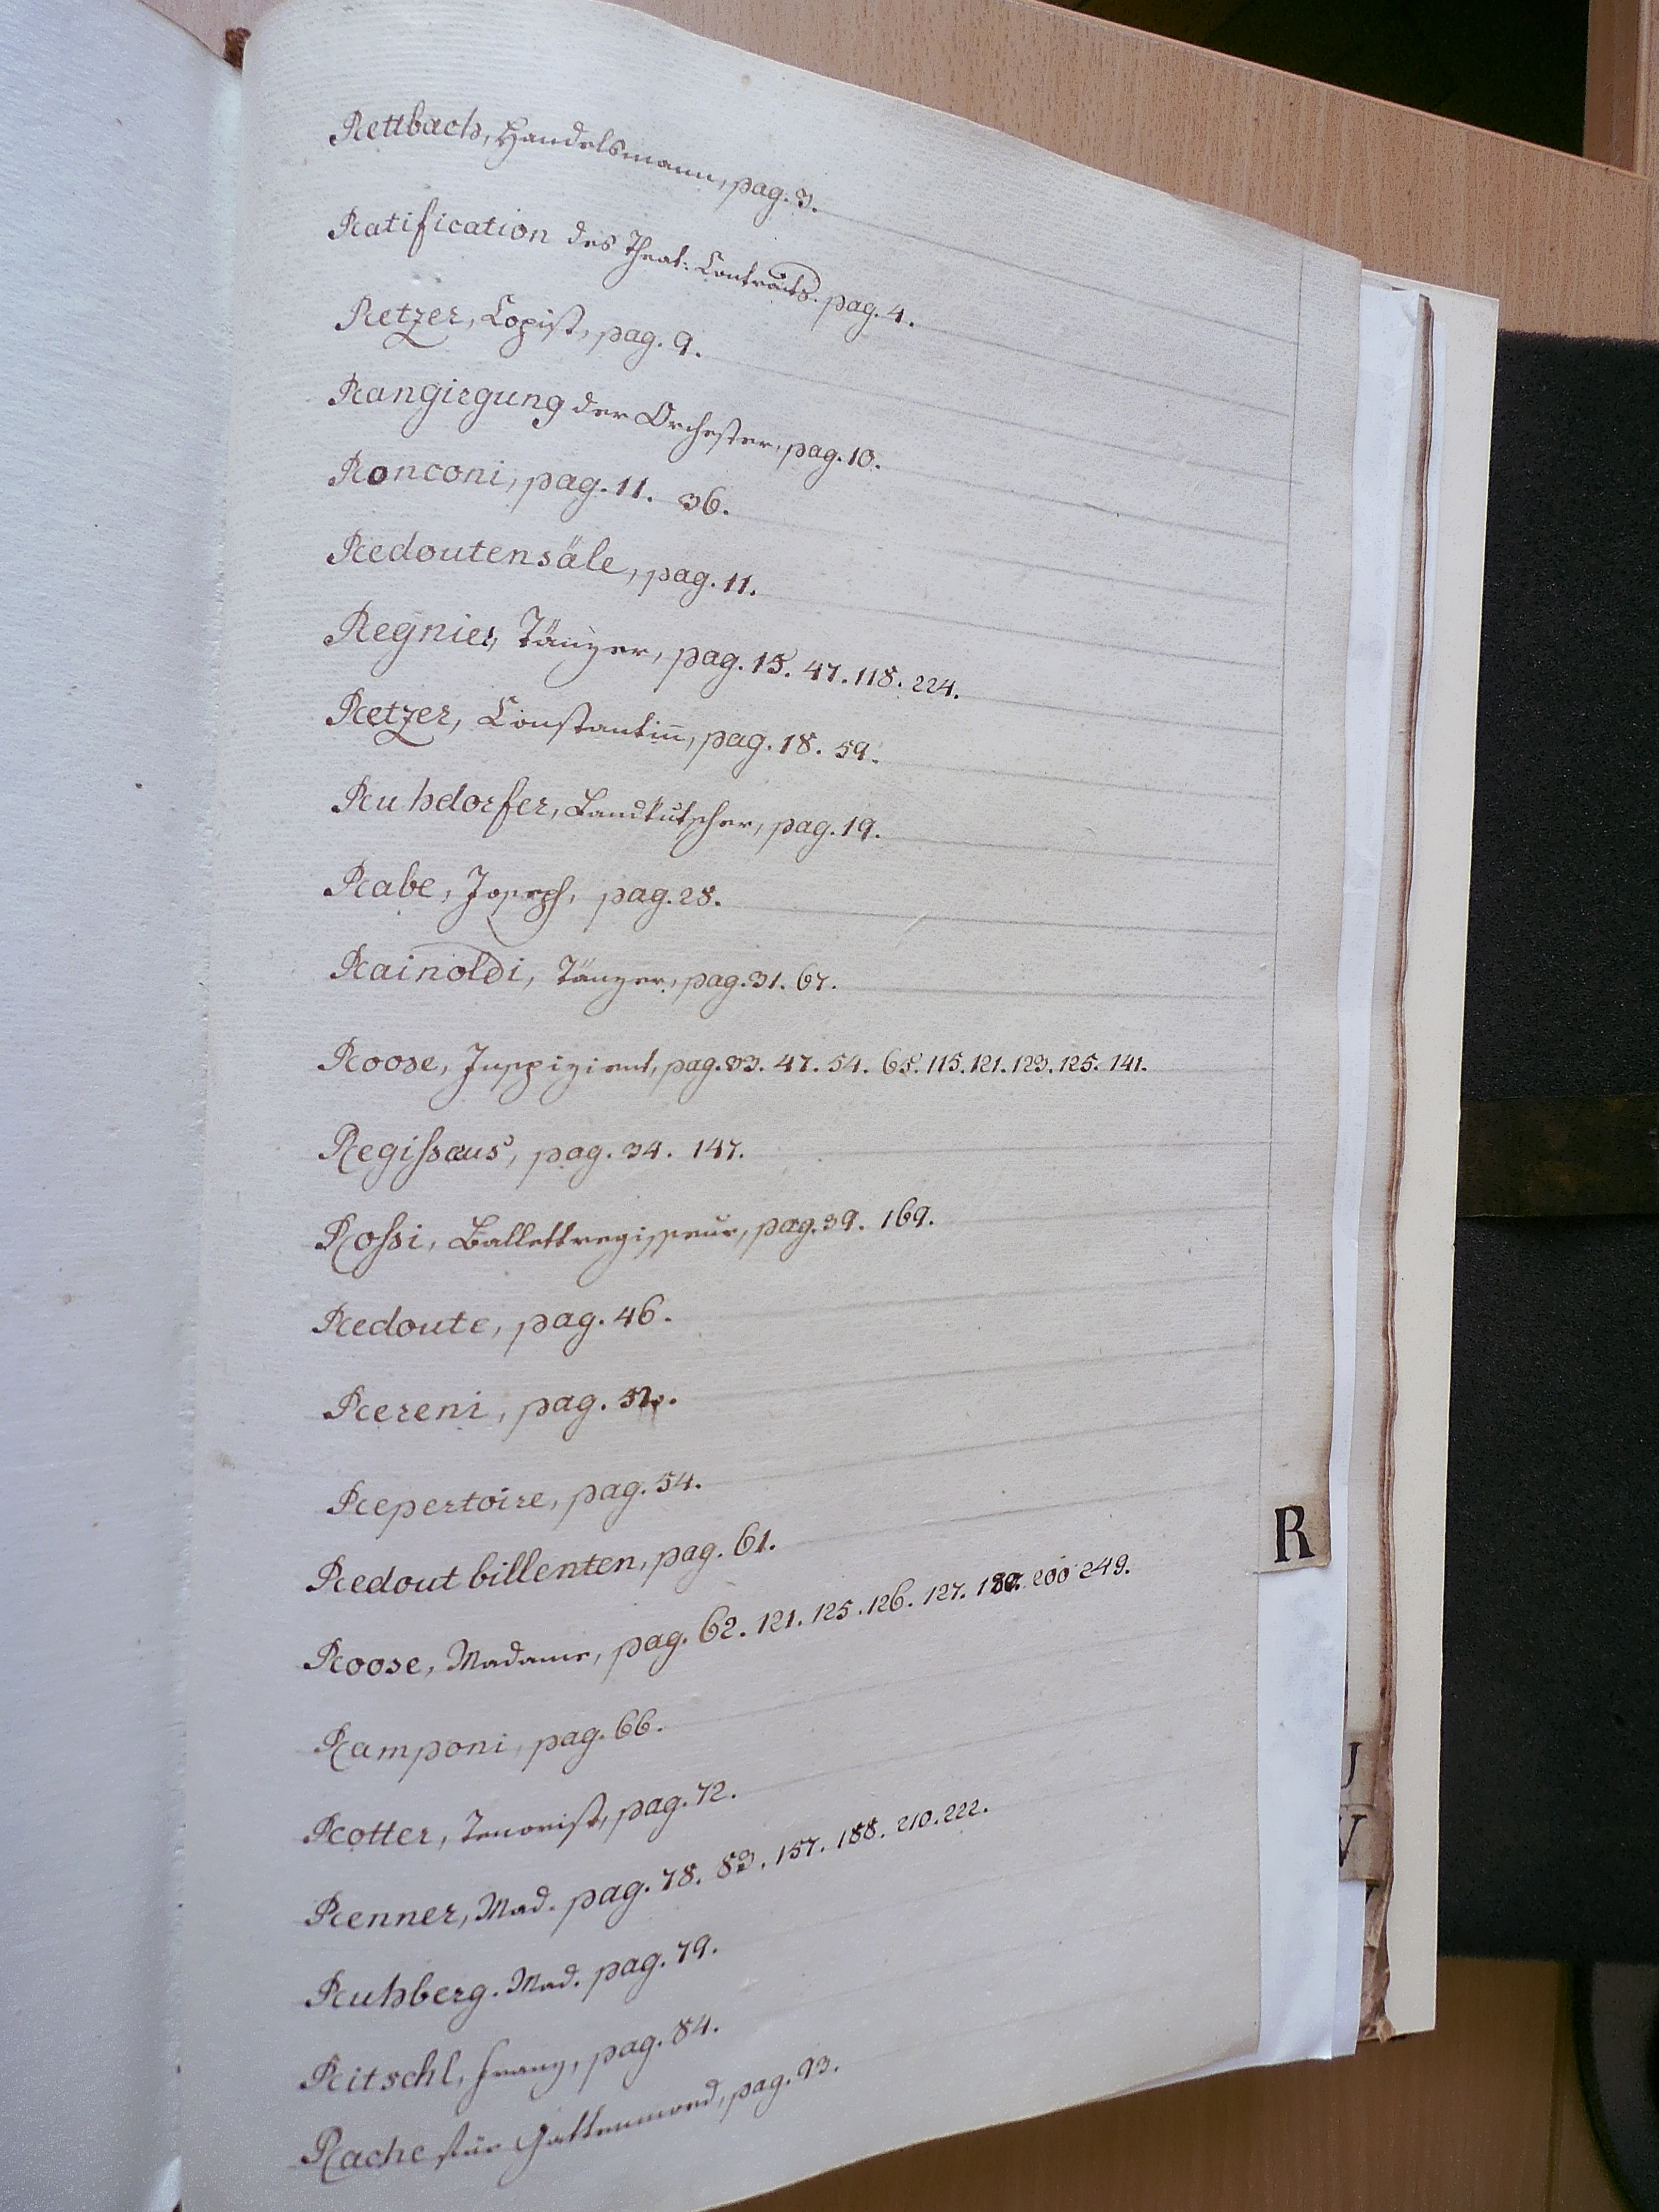R
Rettbach, Handelsmann, pag. 3.
Ratificaton des Theat: Contracts. pag 4.
Retzer, Copist, pag. 9.
Rangirgung der Orchester, pag. l0.
Ronconi, pag. 11. 36.
Redoutensäle, pag. 11.
Regnier, Tänzer, pag. 15. 47. 118. 224.
Retzer, Constantin̅, pag. 18. 59.
Ruhdorfer, Landkutscher, pag. 19.
Rabe, Joseph, pag. 28.
Rainoldi, Tänzer, pag. 31. 67.
Roose, Inspizient, pag. 33. 47. 54. 65. 115. 121. 123. 125. 141.
Regisserus, pag. 34. 147.
Rossi, Ballettregisseur, pag. 39. 169.
Redoute, pag. 46.
Rereni, pag. 52.
Repertoire, pag. 54.
Redout billenten, pag. 61.
Roose, Madame, pag. 62. 121. 125. 126. 127. 180. 200. 249.
Ramponi, pag. 66.
Rotter, Tenorist, pag. 72.
Renner, Mad. pag. 78. 83. 157. 188. 210. 222.
Ruhberg, Mad. pag. 79.
Ritschl, Franz, pag. 84.
Rache für Gattenmord, pag. 93.